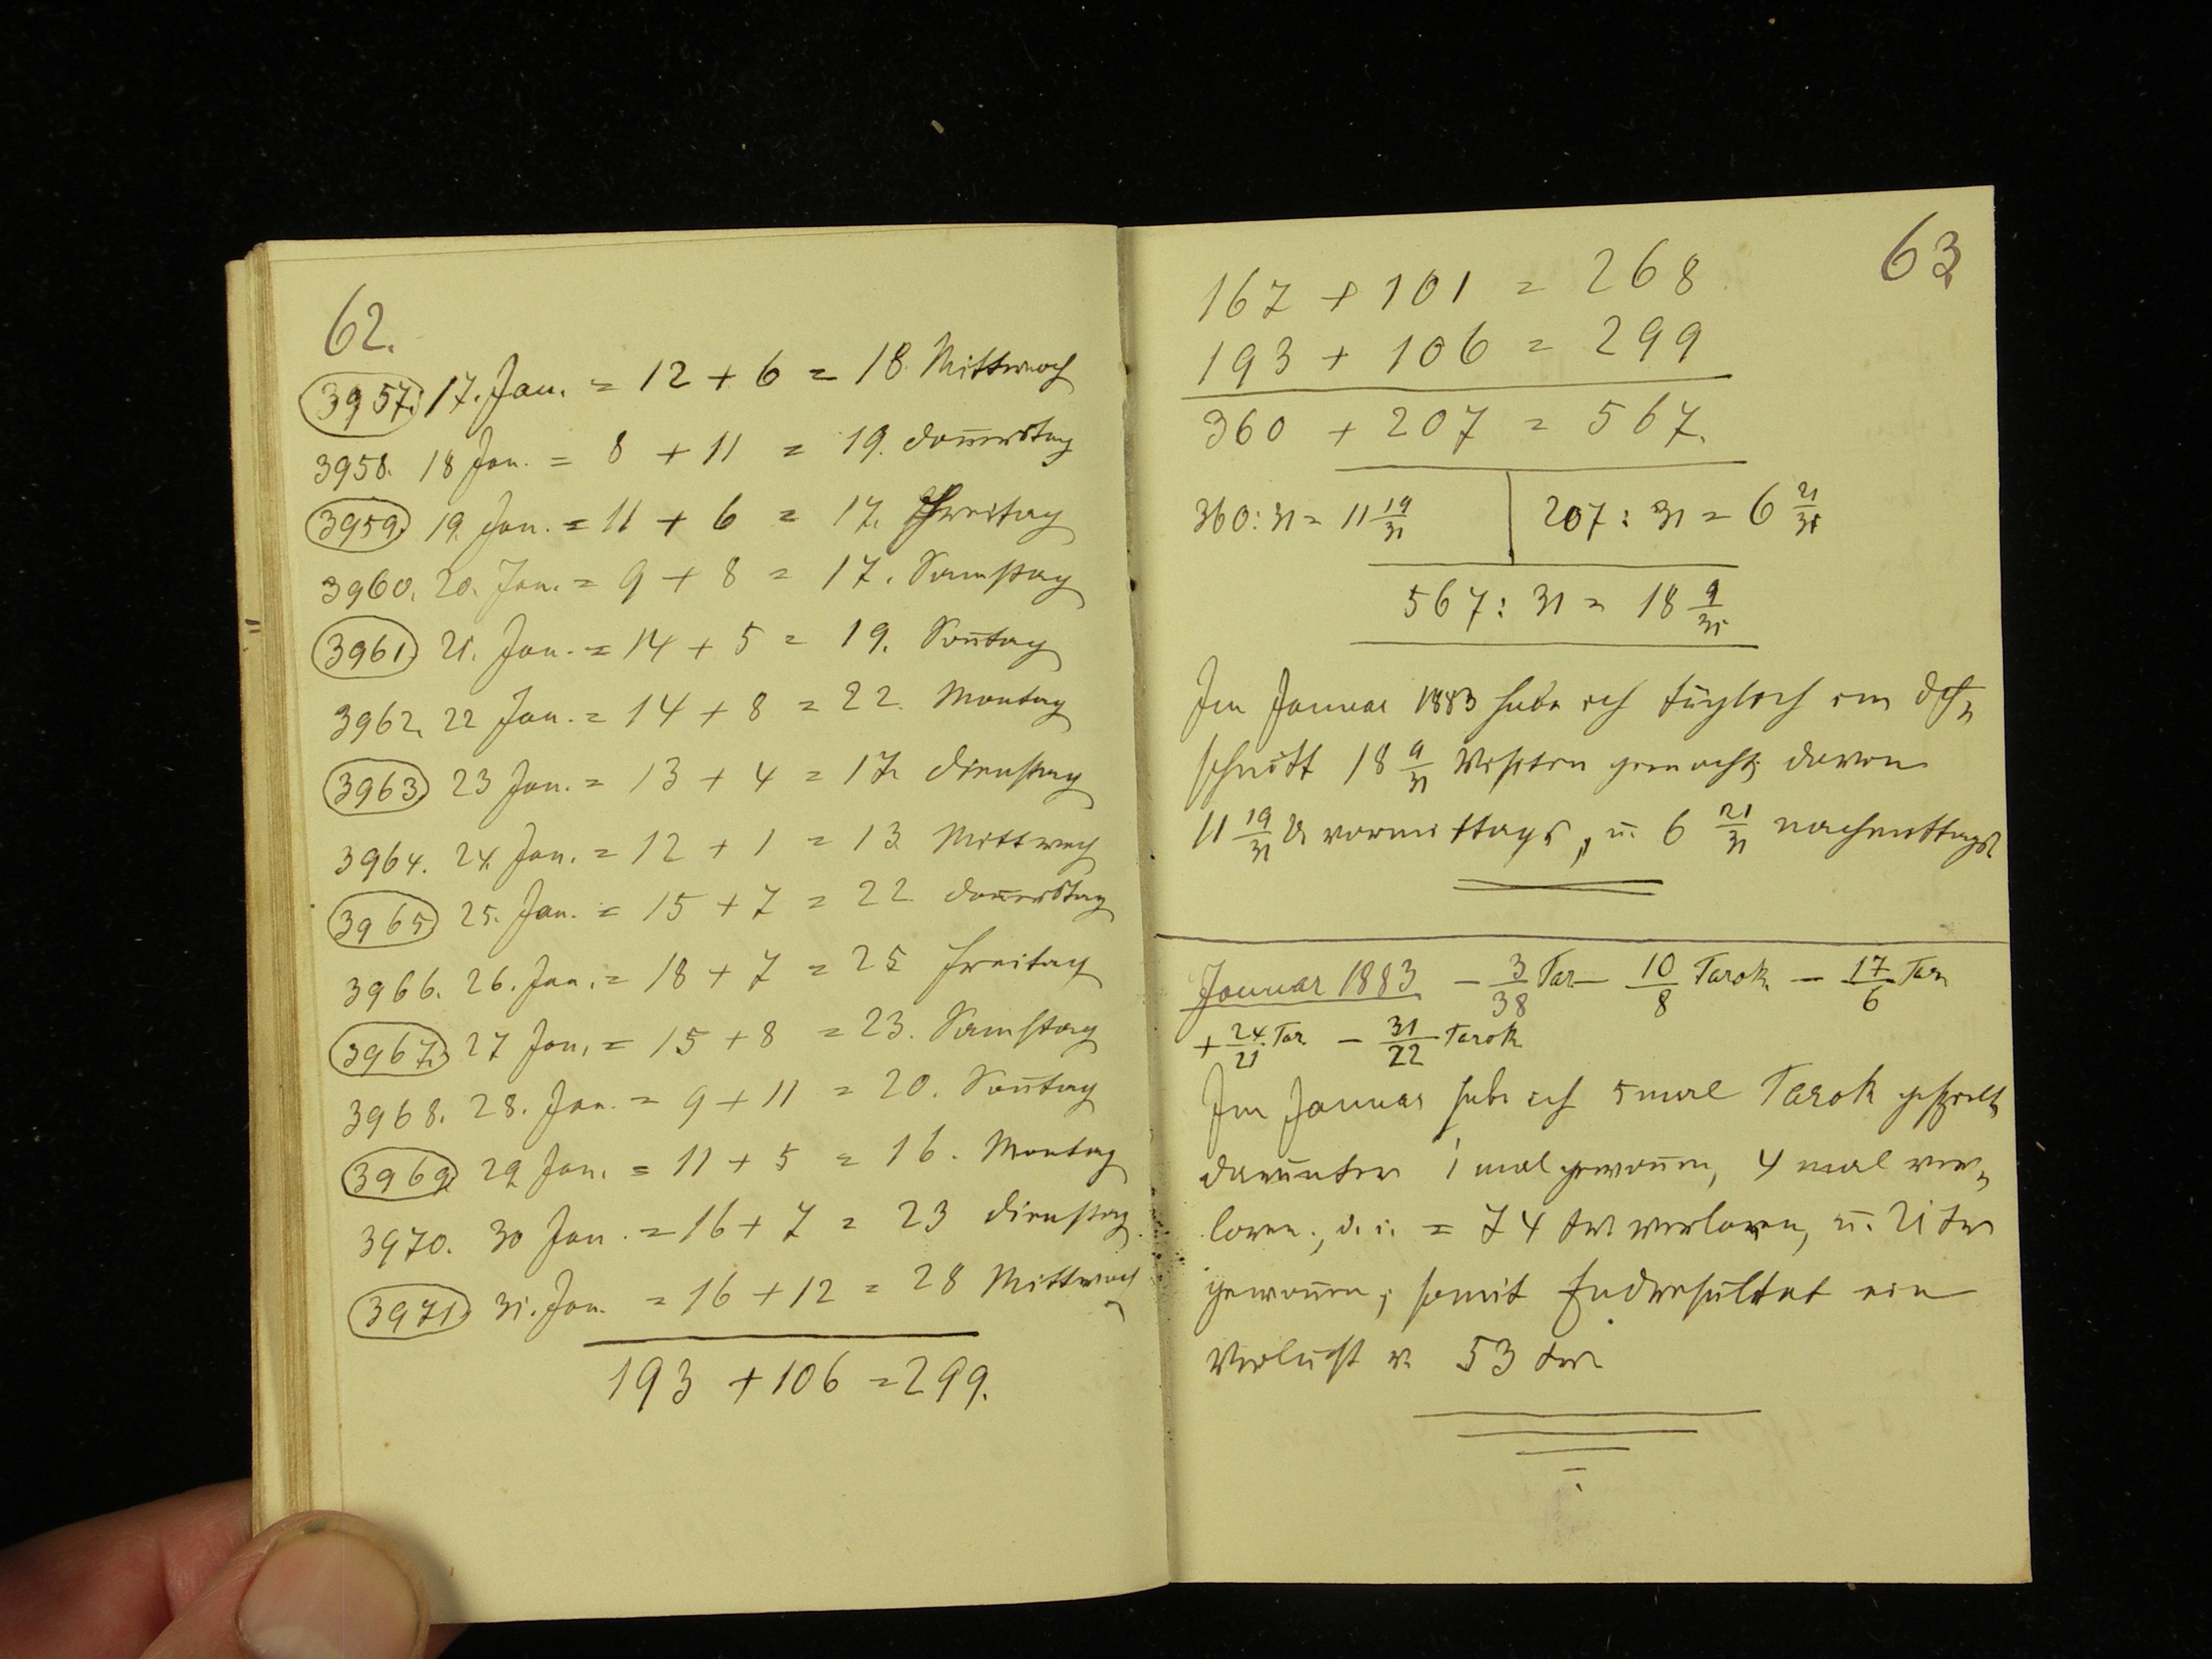62
3957 17. Jan. = 12 + 6 = 18 Mittwoch
3958 18. Jan. = 8 + 11 = 19 Donnerstag
3959 19. Jan. = 11 + 6 = 17 Freitag
3960 20. Jan. = 9 + 8 = 17 Samstag
3961 21. Jan. = 14 + 5 = 19 Sonntag
3962 22. Jan. = 14 + 5 = 22 Montag
3963 23. Jan. = 13 + 4 = 17 Dienstag
3964 24. Jan. = 12 + 1 = 13 Mittwoch
3965 25. Jan. = 15 + 7 = 22 Donnerstag
3966 26. Jan. = 18 + 7 = 25 Freitag
3967 27. Jan. = 15 + 8 = 23 Samstag
3968 28. Jan. = 9 + 11 = 20 Sonntag
3969 29. Jan = 11 + 5 = 16 Montag
3970 30. Jan. = 16 + 7 = 23 Dienstag
3971 31. Jan. = 16 + 12 = 28 Mittwoch
193 + 106 = 299
63
167 + 101 = 268
193 + 106 = 299
360 + 207 = 567
360:31= 11 19/31
207:31= 6 21/31
567: 31= 18 9/31
Im Januar 1883 habe ich täglich im Durch¬
schnitt 18 9/31 Visiten gemach davon
11 19/31 vormittags, und 6 21/31 nachmittags.
Januar 1883 - 3/38 Tar - 10/8 Tarok - 17/6 Tar
+ 24/21 Tar -31/22 Tarok
Im Januar habe ich 5 mal Tarok gespielt,
darunter 1 mal gewonnen, 4 mal ver¬
loren; d. i. = 74 tw verloren, und 21 tw
gewonnen, somit Endresultat ein
Verlust von 53 Tw.